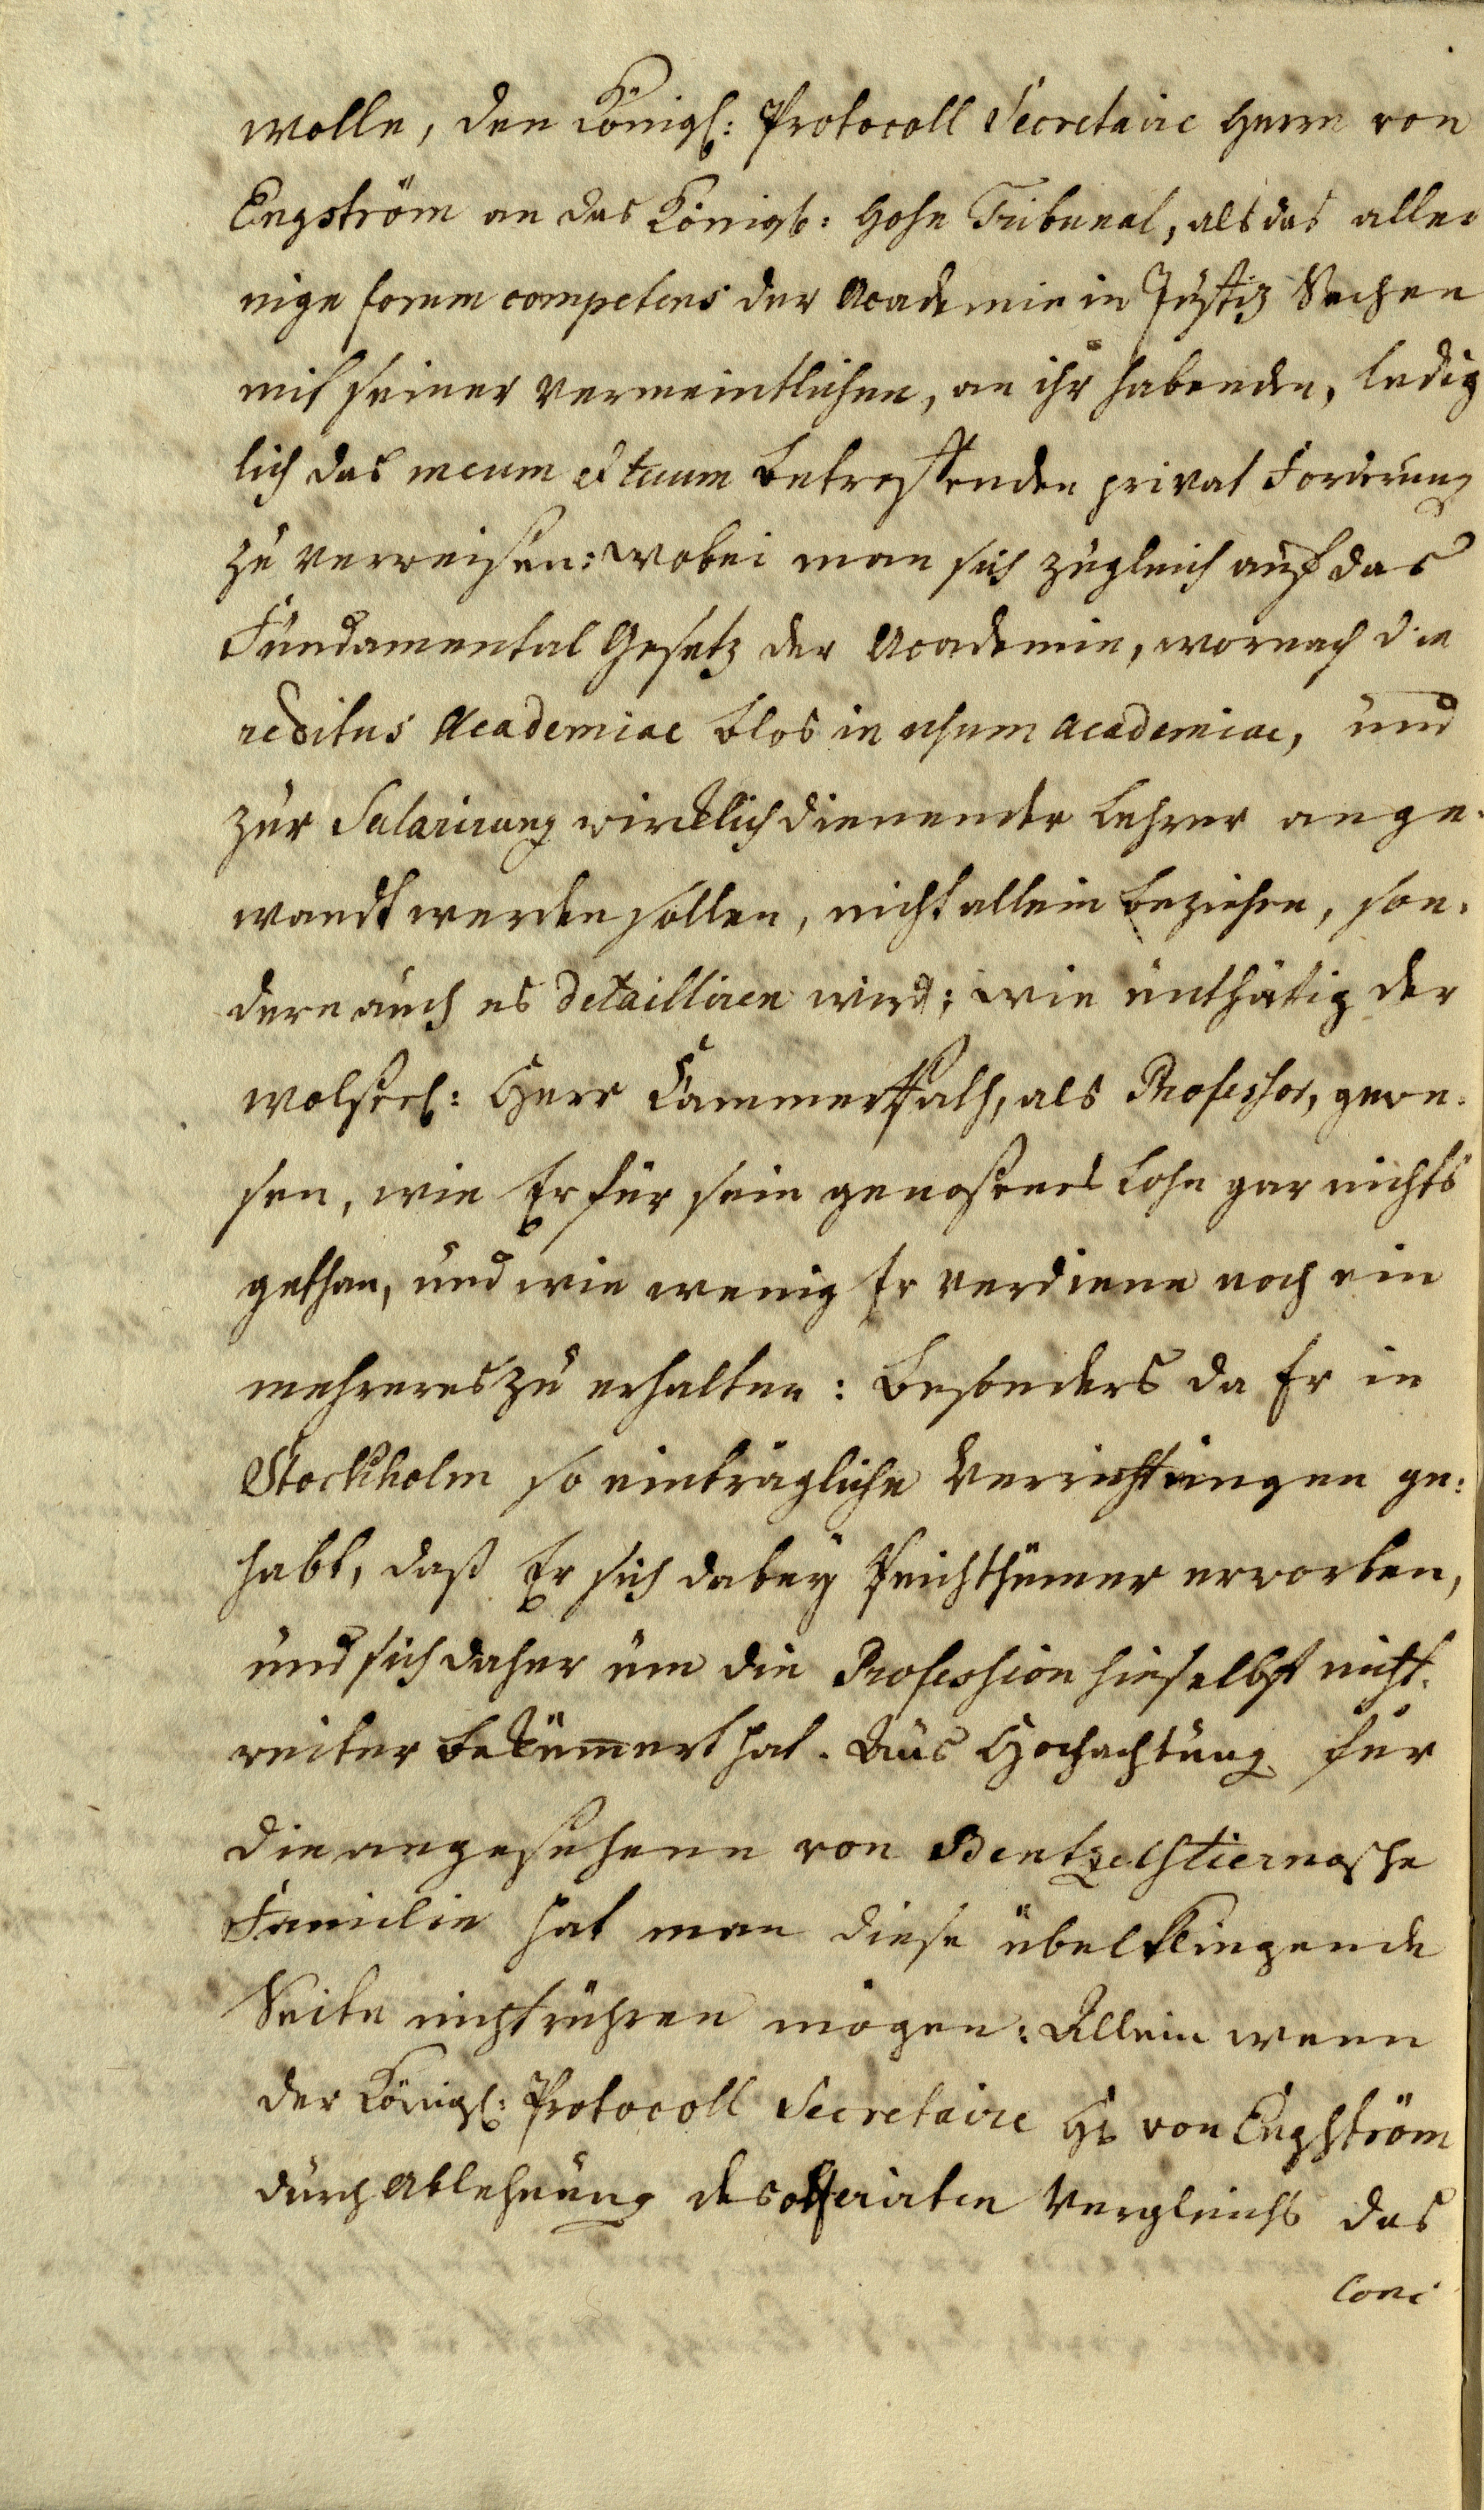wolle, den Königl. Protocoll Secretaire Herrn von
Engström an das Königl. Hohe Tribunal, als das allei¬
nige forum competens der Academie in Justiz Sachen
mit seiner vermeintlichen, an ihr habenden, ledig¬
lich das meum et tuum betreffenden privat forderung
zu verweisen, wobei man sich zugleich auf das
Fundamental Gesetz der Academie, worauf die
reditus Academiae blos in ehem Academiae,
zur Salarirung wircklich dienender Lehrer ange¬
wandt werden sollen, nicht allein beziehen, son¬
dern auch es detailliren wird, wie unthätig der
wolseel. Herr CammerRath, als Professor, gewe¬
sen, wie Er für sein genoßenes Lohn gar nichts
gethan, und wie wenig Er verdiene noch ein
mehreres zu erhalten: Besonders da Er in
Stockholm so einträgliche Verrichtungen ge¬
habt, daß Er sich dabeÿ Reichthümer erworben,
und sich daher um die Profession hieselbst nicht
weiterbekümert hat. Aus Hochachtung für
die angesehene von Bentzelstiernasche
Familie hat man diese übelklingende
Seite nicht rühren mögen. Allein wenn
der Königl. Protocoll Secretaire H. von Engström
durch Ablehnung des offerirten Vergleichs das
Coni